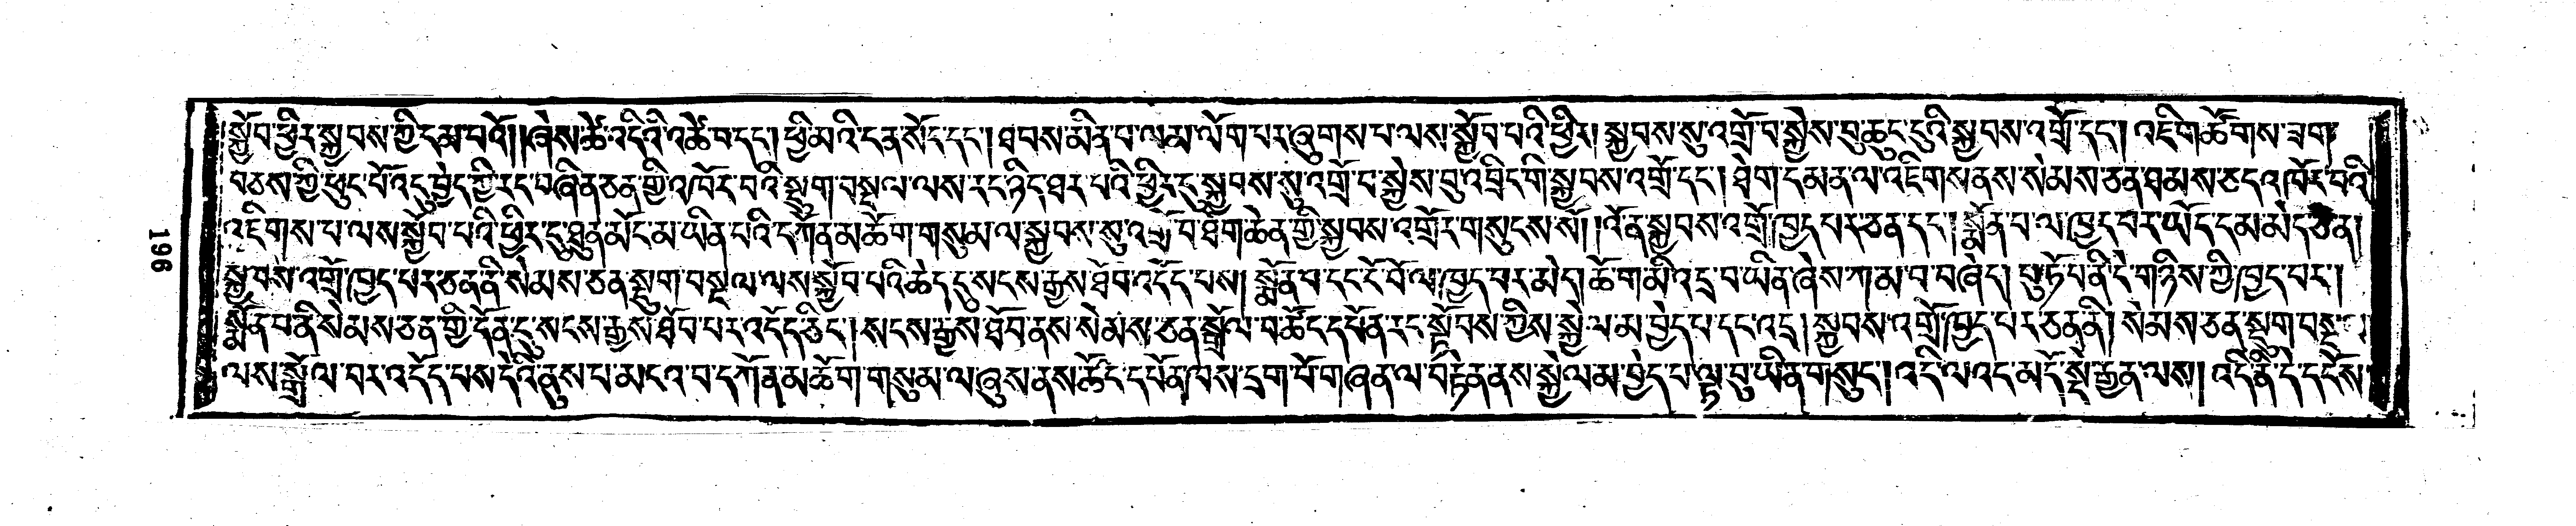སྐྱོབ་ཕྱིར་སྐྱབས་ཀྱི་དམ་པའོ། །ཞེས་ཚེ་འདིའི་འཚེ་བ་དང་། ཕྱི་མའི་ངན་སོང་དང་། ཐབས་མིན་པ་ལམ་ལོག་པར་ཞུགས་པ་ལས་སྐྱོབ་པའི་ཕྱིར། སྐྱབས་སུ་འགྲོ་བ་སྐྱེས་བུ་ཆུང་ངུའི་སྐྱབས་འགྲོ་དང་། འཇིག་ཚོགས་ཟག་
བཅས་ཀྱི་ཕུང་པོའང་བྱེད་ཀྱི་རང་བཞིན་ཅན་གྱི་འཁོར་བའི་སྡུག་བསྔལ་ལས་རང་ཉིད་ཐར་པའི་ཕྱིར་དུ་སྐྱབས་སུ་འགྲོ་བ་སྐྱེས་བུ་འབྲིང་གི་སྐྱབས་འགྲོ་དང་། ཐེག་དམན་ལ་འཇིགས་ནས་སེམས་ཅན་ཐམས་ཅད་འཁོར་བའི་
འཇིགས་པ་ལས་སྐྱོབ་པའི་ཕྱིར་དུ་ཐུན་མོང་མ་ཡིན་པའི་དཀོན་མཆོག་གསུམ་ལ་སྐྱབས་སུ་འགྲོ་བ་ཐེག་ཆེན་གྱི་སྐྱབས་འགྲོར་གསུངས་སོ། །འོ་ན་སྐྱབས་འགྲོ་ཁྱད་པར་ཅན་དང་། སྨོན་པ་ལ་ཁྱད་པར་ཡོད་དམ་མེད་ཅེ་ན།
སྐྱབས་འགྲོ་ཁྱད་པར་ཅན་ནི་སེམས་ཅན་སྡུག་བསྔལ་ལས་སྐྱོབ་པའི་ཆེད་དུ་སངས་རྒྱས་ཐོབ་འདོད་པས། སྨོན་པ་དང་ངོ་བོ་ལ་ཁྱད་པར་མེད། ཆོ་ག་མི་འདྲ་བ་ཡིན་ཞེས་ཀ་མ་པ་བཞེད། པུ་ཏོ་བ་ནི་དེ་གཉིས་ཀྱི་ཁྱད་པར།
སྨོན་པ་ནི་སེམས་ཅན་གྱི་དོན་དུ་སངས་རྒྱས་ཐོབ་པར་འདོད་ཅིང་། སངས་རྒྱས་ཐོབ་ནས་སེམས་ཅན་སྒྲོལ་བ་ཚོང་དཔོན་རང་སྟོབས་ཀྱིས་སྐྱེལ་མ་བྱེད་པ་དང་འདྲ། སྐྱབས་འགྲོ་ཁྱད་པར་ཅན་ནི། སེམས་ཅན་སྡུག་བསྔལ་
ལས་སྒྲོལ་བར་འདོད་པས་དེའི་ནུས་པ་མངའ་བ་དཀོན་མཆོག་གསུམ་ལ་ཞུས་ནས་ཚོང་དཔོན་ལས་དྲག་པོ་གཞན་ལ་བརྟེན་ནས་སྐྱེལ་མ་བྱེད་པ་ལྟ་བུ་ཡིན་གསུང་། འདི་ལའང་མདོ་སྡེ་རྒྱན་ལས། འདི་ནི་དེ་དངོས་